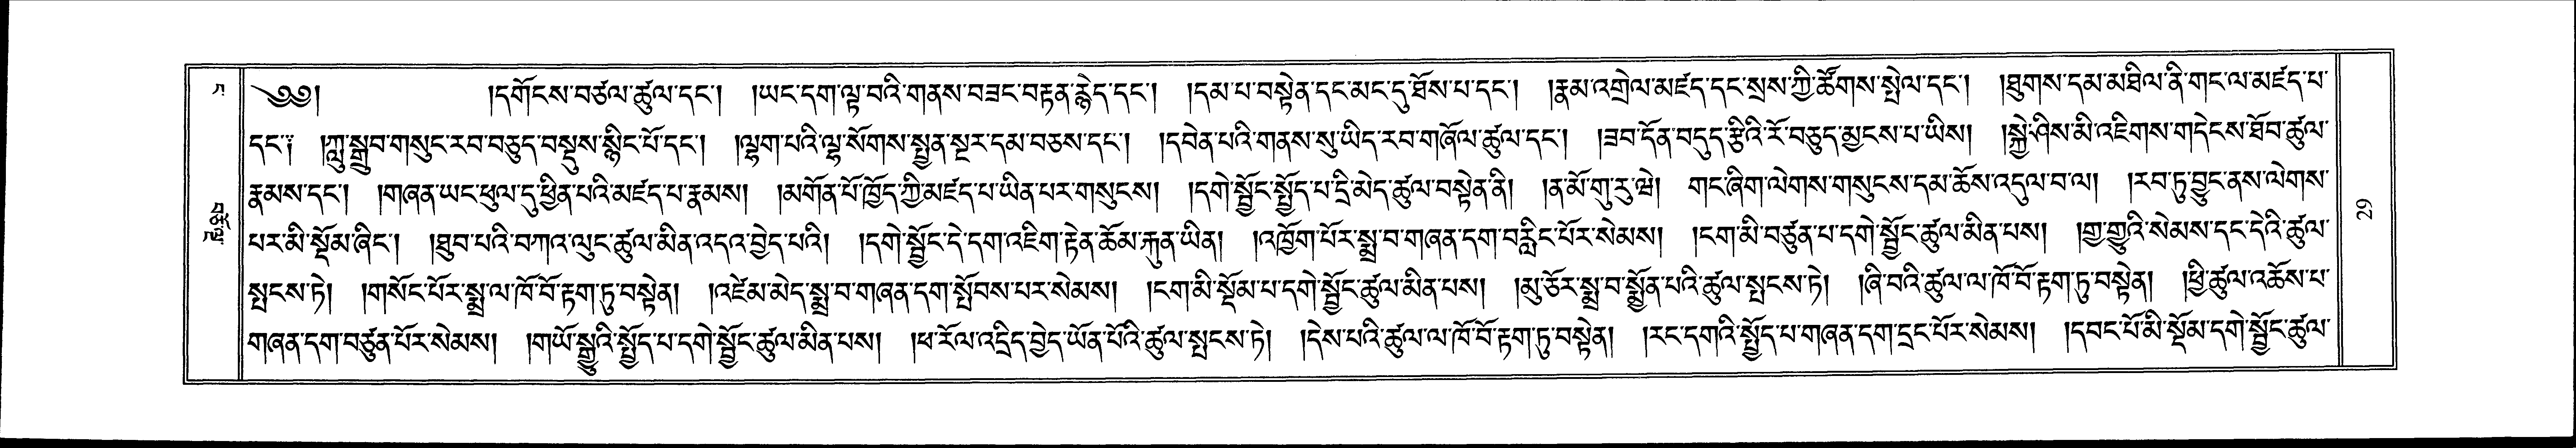༄༅། །དགོངས་བཙལ་ཚུལ་དང་། །ཡང་དག་ལྟ་བའི་གནས་བཟང་བརྟན་རྙེད་དང་། །དམ་པ་བསྟེན་དང་མང་དུ་ཐོས་པ་དང་། །རྣམ་འགྲེལ་མཛད་དང་སྲས་ཀྱི་ཚོགས་སྤེལ་དང་། །ཐུགས་དམ་མཐིལ་ནི་གང་ལ་མཛད་པ་
དང་། །ཀླུ་སྒྲུབ་གསུང་རབ་བཅུད་བསྡུས་སྙིང་པོ་དང་། །ལྷག་པའི་ལྷ་སོགས་སྤྱན་སྔར་དམ་བཅས་དང་། །དབེན་པའི་གནས་སུ་ཡིད་རབ་གཞོལ་ཚུལ་དང་། །ཟབ་དོན་བདུད་རྩིའི་རོ་བཅུད་མྱངས་པ་ཡིས། །སྐྱེ་ཤིས་མི་འཇིགས་གདེངས་ཐོབ་ཚུལ་
རྣམས་དང་། །གཞན་ཡང་ཕུལ་དུ་ཕྱིན་པའི་མཛད་པ་རྣམས། །མགོན་པོ་ཁྱོད་ཀྱི་མཛད་པ་ཡིན་པར་གསུངས། །དགེ་སྦྱོང་སྤྱོད་པ་དྲི་མེད་ཚུལ་བསྟེན་ནི། །ན་མོ་གུ་རུ་ཝེ། གང་ཞིག་ལེགས་གསུངས་དམ་ཆོས་འདུལ་བ་ལ། །རབ་ཏུ་བྱུང་ནས་ལེགས་
པར་མི་སྡོམ་ཞིང་། །ཐུབ་པའི་བཀའ་ལུང་ཚུལ་མིན་འདའ་བྱེད་པའི། །དགེ་སྦྱོང་དེ་དག་འཇིག་རྟེན་ཆོས་རྐུན་ཡིན། །འཁྱོག་པོར་སྨྲ་བ་གཞན་དག་བརླིང་པོར་སེམས། །ངག་མི་བཙུན་པ་དགེ་སྦྱོང་ཚུལ་མིན་པས། །གྱ་གྱུའི་སེམས་དང་དེའི་ཚུལ་
སྤངས་ཏེ། །གསོང་པོར་སྨྲ་ལ་ཁོ་བོ་རྟག་ཏུ་བསྟེན། །འཛེམ་མེད་སྨྲ་བ་གཞན་དག་སྤོབས་པར་སེམས། །ངག་མི་སྡོམ་པ་དགེ་སྦྱོང་ཚུལ་མིན་པས། །མུ་ཅོར་སྨྲ་བ་སྨྱོན་པའི་ཚུལ་སྤངས་ཏེ། །ཞི་བའི་ཚུལ་ལ་ཁོ་བོ་རྟག་ཏུ་བསྟེན། །ཕྱི་ཚུལ་འཆོས་པ་
གཞན་དག་བཙུན་པོར་སེམས། །གཡོ་སྒྱུའི་སྤྱོད་པ་དགེ་སྦྱོང་ཚུལ་མིན་པས། །ཕ་རོལ་འདྲིད་བྱེད་ཡོན་པོའི་ཚུལ་སྤངས་ཏེ། །དེས་པའི་ཚུལ་ལ་ཁོ་བོ་རྟག་ཏུ་བསྟེན། །རང་དགའི་སྤྱོད་པ་གཞན་དག་དྲང་པོར་སེམས། །དབང་པོ་མི་སྡོམ་དགེ་སྦྱོང་ཚུལ་